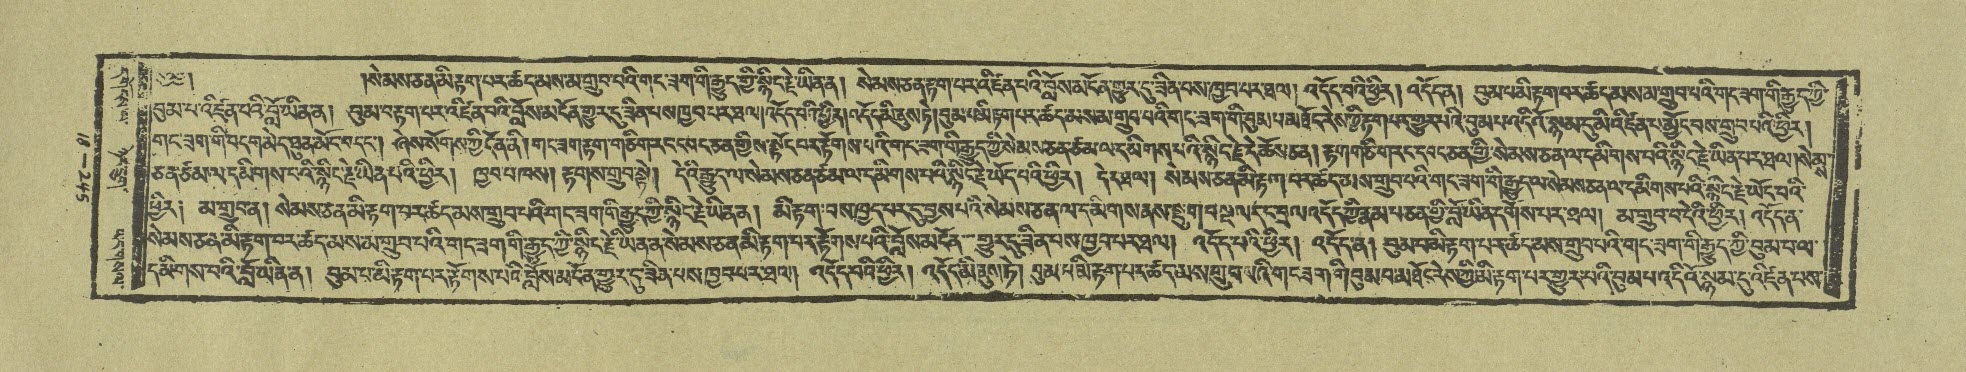༄༅། །སེམས་ཅན་མི་རྟག་པར་ཚད་མས་མ་གྲུབ་པའི་གང་ཟག་གི་རྒྱུད་ཀྱི་སྙིང་རྗེ་ཡིན་ན། སེམས་ཅན་རྟག་པར་འཛིན་པའི་བློས་མངོན་གྱུར་དུ་ཟིན་པས་ཁྱབ་པར་ཐལ། འདོད་པའི་ཕྱིར། འདོད་ན། བུམ་པ་མི་རྟག་པར་ཚད་མས་མ་གྲུབ་པའི་གང་ཟག་གི་རྒྱུད་ཀྱི་
བུམ་པ་འཛིན་པའི་བློ་ཡིན་ན། བུམ་པ་རྟག་པར་འཛིན་པའི་བློས་མངོན་གྱུར་དུ་ཟིན་པས་ཁྱབ་པར་ཐལ། འདོད་པའི་ཕྱིར། འདོད་མི་ནུས་ཏེ། བུམ་པ་མི་རྟག་པར་ཚད་མས་མ་གྲུབ་པའི་གང་ཟག་གི་བུམ་པ་མཐོད་རེས་ཀྱི་རྟག་པར་གྱུར་པའི་བུམ་པ་འདིའོ་སྙམ་དུ་མི་འཛིན་པ་མྱོང་བས་གྲུབ་པའི་ཕྱིར།
གང་ཟག་གི་བདག་མེད་ཐུན་མོང་པ་དང་། ཞེས་སོགས་ཀྱི་དོན་ནི། གང་ཟག་རྟག་གཅིག་རང་དབང་ཅན་གྱིས་སྟོང་པར་རྟོགས་པའི་གང་ཟག་གི་རྒྱུད་ཀྱི་སེམས་ཅན་ཙམ་ལ་དམིགས་པའི་སྙིང་རྗེ་དེ་ཆོས་ཅན། རྟག་གཅིག་རང་དབང་ཅན་གྱི་སེམས་ཅན་ལ་དམིགས་པའི་སྙིང་རྗེ་ཡིན་པར་ཐལ། སེམས་
ཅན་ཙམ་ལ་དམིགས་པའི་སྙིང་རྗེ་ཡིན་པའི་ཕྱིར། ཁྱབ་པ་ཁས། རྟགས་གྲུབ་སྟེ། དེའི་རྒྱུད་ལ་སེམས་ཅན་ཙམ་ལ་དམིགས་པའི་སྙིང་རྗེ་ཡོད་པའི་ཕྱིར། དེར་ཐལ། སེམས་ཅན་མི་རྟག་པར་ཚད་མས་གྲུབ་པའི་གང་ཟག་གི་རྒྱུད་ལ་སེམས་ཅན་ལ་དམིགས་པའི་སྙིང་རྗེ་ཡོད་པའི་
ཕྱིར། མ་གྲུབ་ན། སེམས་ཅན་མི་རྟག་པར་ཚད་མས་གྲུབ་པའི་གང་ཟག་གི་རྒྱུད་ཀྱི་སྙིང་རྗེ་ཡིན་ན། མི་རྟག་པས་ཁྱད་པར་དུ་བྱས་པའི་སེམས་ཅན་ལ་དམིགས་ནས་སྡུག་བསྔལ་དང་བྲལ་འདོད་ཀྱི་རྣམ་པ་ཅན་གྱི་བློ་ཡིན་དགོས་པར་ཐལ། མ་གྲུབ་པ་དའི་ཕྱིར། འདོད་ན་
སེམས་ཅན་མི་རྟག་པར་ཚད་མས་མ་གྲུབ་པའི་གང་ཟག་གི་རྒྱུད་ཀྱི་སྙིང་རྗེ་ཡིན་ན་སེམས་ཅན་མི་རྟག་པར་རྟོགས་པའི་བློས་མངོན་གྱུར་དུ་ཟིན་པས་ཁྱབ་པར་ཐལ། འདོད་པའི་ཕྱིར། འདོད་ན། བུམ་པ་མི་རྟག་པར་ཚད་མས་གྲུབ་པའི་གང་ཟག་གི་རྒྱུད་ཀྱི་བུམ་པ་ལ་
དམིགས་པའི་བློ་ཡིན་ན། བུམ་པ་མི་རྟག་པར་རྟོགས་པའི་བློས་མངོན་གྱུར་དུ་ཟིན་པས་ཁྱབ་པར་ཐལ། འདོད་པའི་ཕྱིར། འདོད་མི་ནུས་ཏེ། བུམ་པ་མི་རྟག་པར་ཚད་མས་གྲུབ་པའི་གང་ཟག་གི་བུམ་པ་མཐོང་རེས་ཀྱི་མི་རྟག་པར་གྱུར་པའི་བུམ་པ་འདིའོ་སྙམ་དུ་འཛིན་པས་